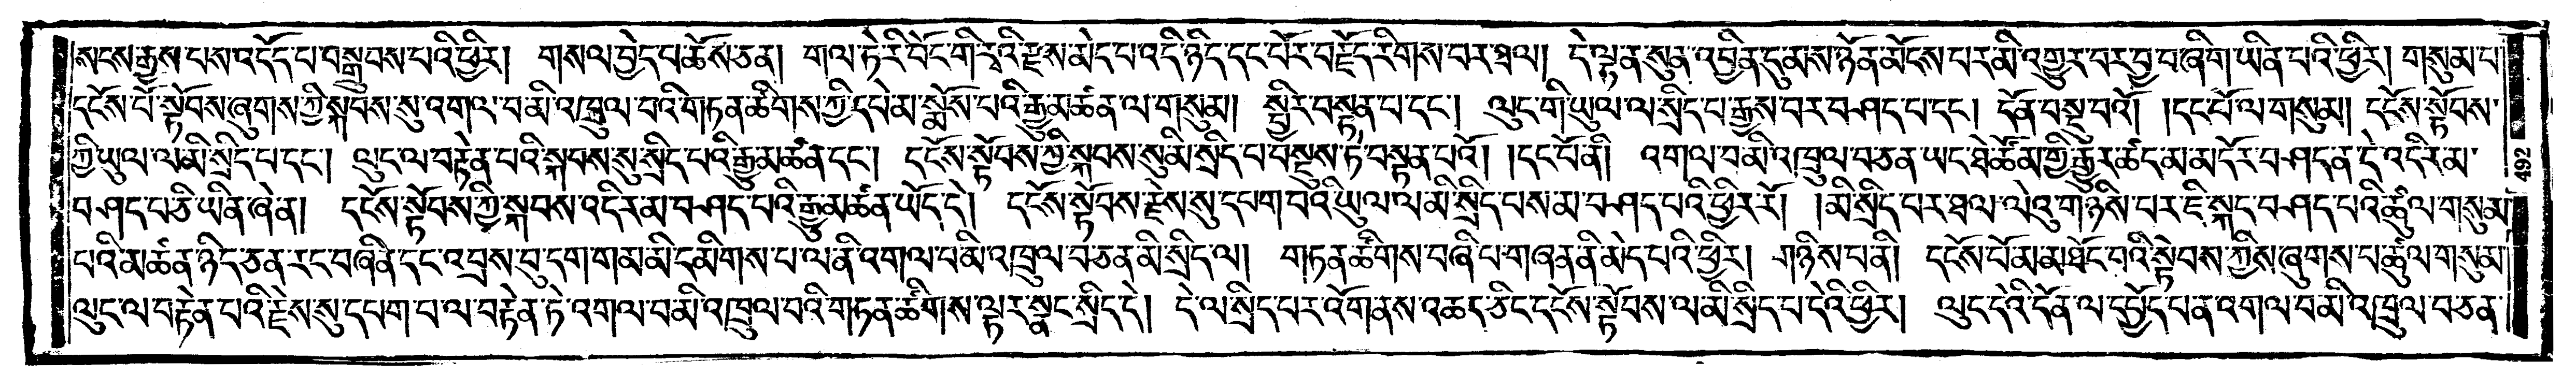སངས་རྒྱས་པས་འདོད་པ་བསྒྲུབས་པའི་ཕྱིར། གསལ་བྱེད་པ་ཆོས་ཅན། གལ་ཏེ་རི་བོང་གི་རྭའི་རྫས་མེད་པ་འདི་ཉིད་དང་པོར་བརྗོད་རིགས་པར་ཐལ། དེ་ལྟ་ན་སུན་འབྱིན་དུ་མས་ཉོན་མོངས་པར་མི་འགྱུར་བར་བྱ་བ་ཞིག་ཡིན་པའི་ཕྱིར། གསུམ་པ་
དངོས་པོ་སྟོབས་ཞུགས་ཀྱི་སྐབས་སུ་འགལ་བ་མི་འཁྲུལ་བའི་གཏན་ཚིགས་ཀྱི་དཔེ་མ་སྨོས་པའི་རྒྱུ་མཚན་ལ་གསུམ། སྤྱིར་བསྟན་པ་དང་། ལུང་གི་ཡུལ་ལ་སྲིད་པ་རྒྱས་པར་བཤད་པ་དང་། དོན་བསྡུ་བའོ། །དང་པོ་ལ་གསུམ། དངོས་སྟོབས་
ཀྱི་ཡུལ་ལ་མི་སྲིད་པ་དང་། ལུང་ལ་བརྟེན་པའི་སྐབས་སུ་སྲིད་པའི་རྒྱུ་མཚན་དང་། དངོས་སྟོབས་ཀྱི་སྐབས་སུ་མི་སྲིད་པ་བསྡུས་ཏེ་བསྟན་པའོ། །དང་པོ་ནི། འགལ་བ་མི་འཁྲུལ་བ་ཅན་ཡང་ཐེ་ཚོམ་གྱི་རྒྱུར་ཚད་མ་མདོར་བཤད་ན་དེ་འདིར་མ་
བཤད་པ་ཅི་ཡིན་ཞེ་ན། དངོས་སྟོབས་ཀྱི་སྐབས་འདིར་མ་བཤད་པའི་རྒྱུ་མཚན་ཡོད་དེ། དངོས་སྟོབས་རྗེས་སུ་དཔག་པའི་ཡུལ་ལ་མི་སྲིད་པས་མ་བཤད་པའི་ཕྱིར་རོ། །མི་སྲིད་པར་ཐལ་ལེའུ་གཉིས་པར་ཇི་སྐད་བཤད་པའི་ཚུལ་གསུམ་
པའི་མཚན་ཉིད་ཅན་རང་བཞིན་དང་འབྲས་བུ་དག་གམ་མི་དམིགས་པ་ལ་ནི་འགལ་བ་མི་འཁྲུལ་བ་ཅན་མི་སྲིད་ལ། གཏན་ཚིགས་བཞི་པ་གཞན་ནི་མེད་པའི་ཕྱིར། གཉིས་པ་ནི། དངོས་པོ་མ་མཐོང་བའི་སྟེབས་ཀྱིས་ཞུགས་པ་ཚུལ་གསུམ་
ལུང་ལ་བརྟེན་པའི་རྗེས་སུ་དཔག་པ་ལ་བརྟེན་ཏེ་འགལ་བ་མི་འཁྲུལ་བའི་གཏན་ཚིགས་ལྟར་སྣང་སྲིད་དེ། དེ་ལ་སྲིད་པར་འོག་ནས་འཆད་ཅིང་དངོས་སྟོབས་ལ་མི་སྲིད་པ་དེའི་ཕྱིར། ལུང་དེའི་དོན་ལ་དཔྱོད་པ་ན་འགལ་བ་མི་འཁྲུལ་བ་ཅན་